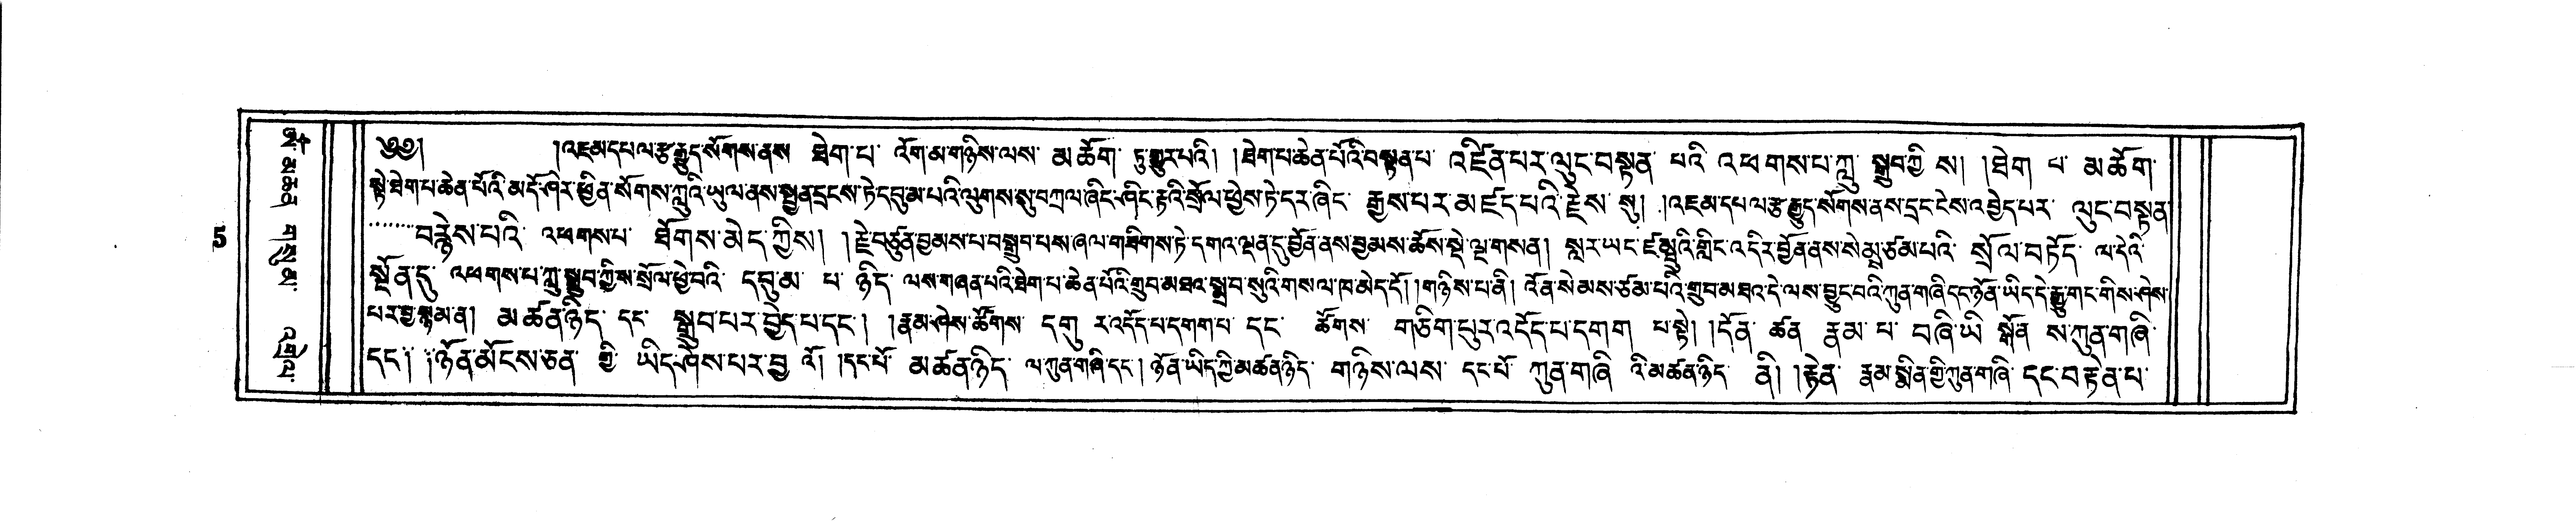༄༅། །འཇམ་དཔལ་རྩ་རྒྱུད་སོགས་ནས་ཐེག་པ་འོག་མ་གཉིས་ལས་མཆོག་ཏུ་གྱུར་པའི། །ཐེག་པ་ཆེན་པོའི་བསྟན་པ་འཛིན་པར་ལུང་བསྟན་པའི་འཕགས་པ་ཀླུ་སྒྲུབ་ཀྱིས། །ཐེག་པ་མཆོག་
སྟེ་ཐེག་པ་ཆེན་པོའི་མདོ་ཤེར་ཕྱིན་སོགས་ཀླུའི་ཡུལ་ནས་སྤྱན་དྲངས་ཏེ་དབུ་མ་པའི་ལུགས་སུ་བཀྲལ་ཞིང་ཤིང་རྟའི་སྲོལ་ཕྱེས་ཏེ་དར་ཞིང་རྒྱས་པར་མཛད་པའི་རྗེས་སུ། །འཇམ་དཔལ་རྩ་རྒྱུད་སོགས་ནས་དྲང་ངེས་འབྱེད་པར་ལུང་བསྟན་
བརྙེས་པའི་འཕགས་པ་ཐོགས་མེད་ཀྱིས། །རྗེ་བཙུན་བྱམས་པ་བསྒྲུབ་པས་ཞལ་གཟིགས་ཏེ་དགའ་ལྡན་དུ་བྱོན་ནས་བྱམས་ཆོས་སྡེ་ལྔ་གསན། སླར་ཡང་ཛམྦུའི་གླིང་འདིར་བྱོན་ནས་སེམས་ཙམ་པའི་སྲོལ་བཏོད་ལ་དེའི་
སྔོན་དུ་འཕགས་པ་ཀླུ་སྒྲུབ་ཀྱིས་སྲོལ་ཕྱེ་བའི་དབུ་མ་པ་ཉིད་ལས་གཞན་པའི་ཐེག་པ་ཆེན་པོའི་གྲུབ་མཐའ་སྨྲ་བ་སུའི་གསལ་ཁ་མེད་དོ། །གཉིས་པ་ནི། འོ་ན་སེམས་ཙམ་པའི་གྲུབ་མཐའ་དེ་ལས་བྱུང་བའི་ཀུན་གཞི་དང་ཉོན་ཡིད་དེ་རྒྱུ་གང་གིས་ཤེས་
པར་བྱ་སྙམ་ན། མཚན་ཉིད་དང་སྒྲུབ་པར་བྱེད་པ་དང་། །རྣམ་ཤེས་ཚོགས་དགུར་འདོད་པ་དགག་པ་དང་ཚོགས་གཅིག་པུར་འདོད་པ་དགག་པ་སྟེ། །དོན་ཚན་རྣམ་པ་བཞི་ཡི་སྒོ་ནས་ཀུན་གཞི་
དང༑ ༑ཉོན་མོངས་ཅན་གྱི་ཡིད་ཤེས་པར་བྱའོ། །དང་པོ་མཚན་ཉིད་ལ་ཀུན་གཞི་དང་། ཉོན་ཡིད་ཀྱི་མཚན་ཉིད་གཉིས་ལས་དང་པོ་ཀུན་གཞིའི་མཚན་ཉིད་ནི། །རྟེན་རྣམ་སྨིན་གྱི་ཀུན་གཞི་དང་བརྟེན་པ་